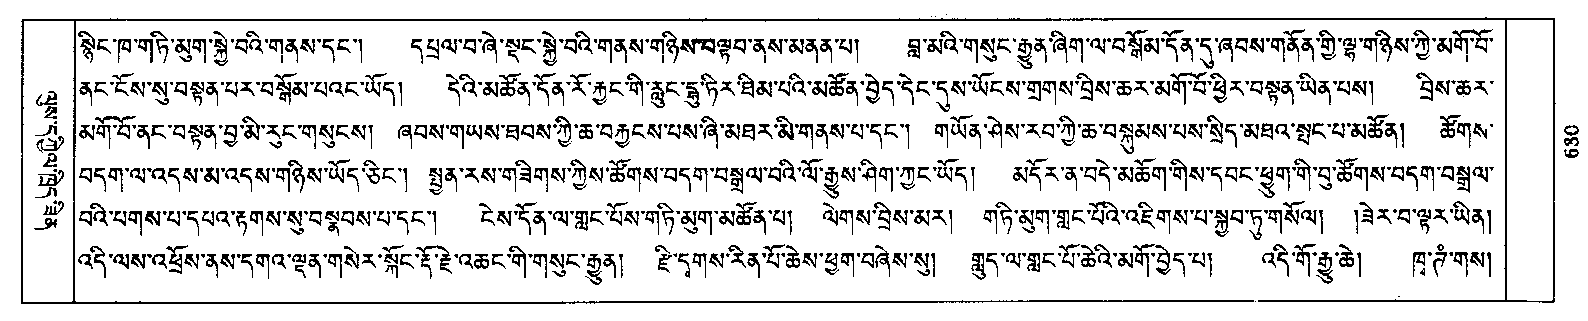སྙིང་ཁ་གཏི་མུག་སྐྱེ་བའི་གནས་དང་། དཔྲལ་བ་ཞེ་སྡང་སྐྱེ་བའི་གནས་གཉིས་བལྟབ་ནས་མནན་པ། བླ་མའི་གསུང་རྒྱུན་ཞིག་ལ་བསྒོམ་དོན་དུ་ཞབས་གནོན་གྱི་ལྷ་གཉིས་ཀྱི་མགོ་བོ་
ནང་ངོས་སུ་བསྟན་པར་བསྒོམ་པའང་ཡོད། དེའི་མཚོན་དོན་རོ་རྐྱང་གི་རླུང་དྷུ་ཏིར་ཐིམ་པའི་མཚོན་བྱེད་དེང་དུས་ཡོངས་གྲགས་བྲིས་ཆར་མགོ་བོ་ཕྱིར་བསྟན་ཡིན་པས། བྲིས་ཆར་
མགོ་བོ་ནང་བསྟན་བྱ་མི་རུང་གསུངས། ཞབས་གཡས་ཐབས་ཀྱི་ཆ་བརྐྱངས་པས་ཞི་མཐར་མི་གནས་པ་དང་། གཡོན་ཤེས་རབ་ཀྱི་ཆ་བསྐུམས་པས་སྲིད་མཐའ་སྤང་པ་མཚོན། ཚོགས་
བདག་ལ་འདས་མ་འདས་གཉིས་ཡོད་ཅིང་། སྤྱན་རས་གཟིགས་ཀྱིས་ཚོགས་བདག་བསྒྲལ་བའི་ལོ་རྒྱུས་ཤིག་ཀྱང་ཡོད། མདོར་ན་བདེ་མཆོག་གིས་དབང་ཕྱུག་གི་བུ་ཚོགས་བདག་བསྒྲལ་
བའི་པགས་པ་དཔའ་རྟགས་སུ་བསྣབས་པ་དང་། ངེས་དོན་ལ་གླང་པོས་གཏི་མུག་མཚོན་པ། ལེགས་བྲིས་མར། གཏི་མུག་གླང་པོའི་འཇིགས་པ་སྐྱབ་ཏུ་གསོལ། །ཟེར་བ་ལྟར་ཡིན།
འདི་ལས་འཕྲོས་ནས་དགའ་ལྡན་གསེར་སྐོང་རྡོ་རྗེ་འཆང་གི་གསུང་རྒྱུན། རྫི་དྭགས་རིན་པོ་ཆེས་ཕྱག་བཞེས་སུ། གླུད་ལ་གླང་པོ་ཆེའི་མགོ་བྱེད་པ། འདི་གོ་རྒྱུ་ཆེ། ཁྭ་ཊཾ་གས།